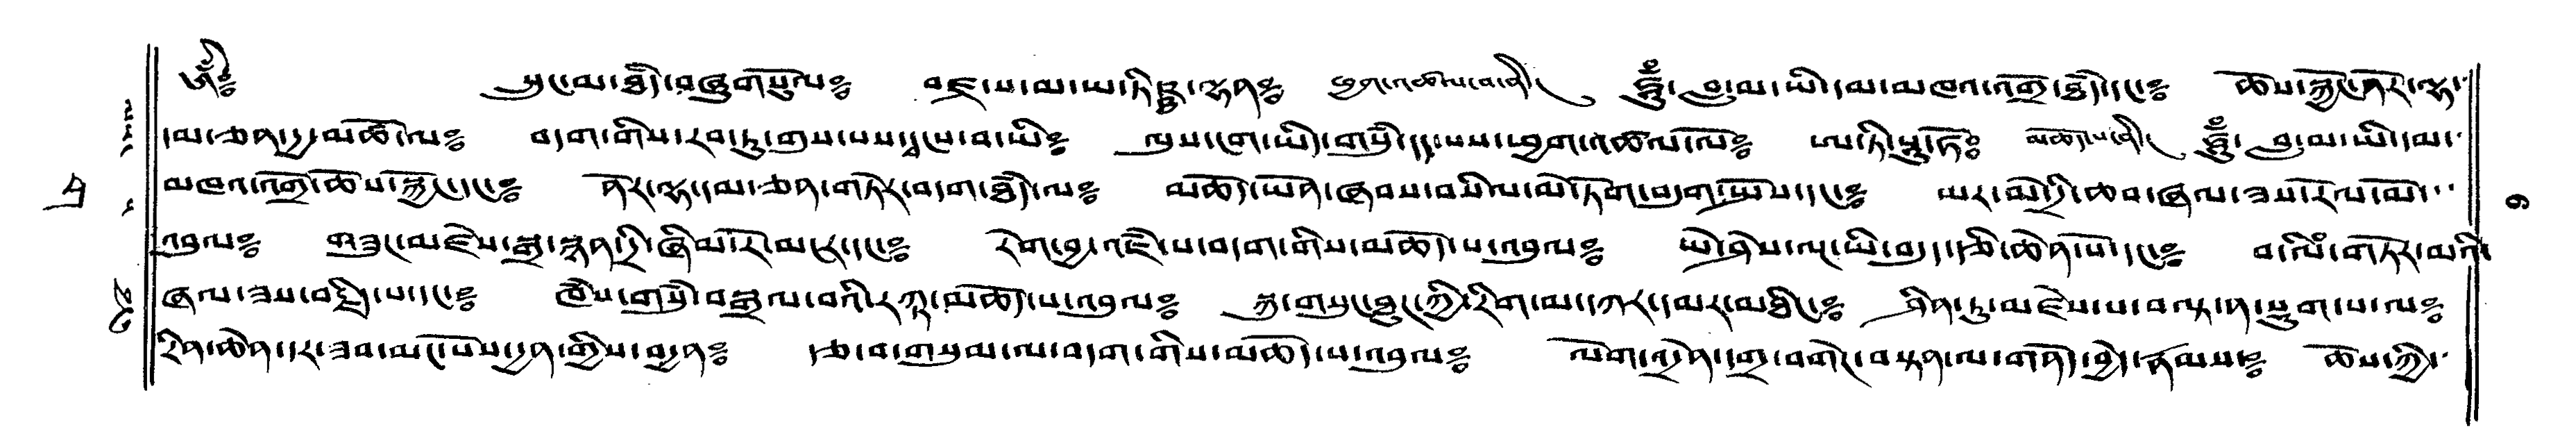སྲུང་མ་ཐམས་ཅད་བཞུགས་སུ་གསོལ༔ བཛྲ་ས་མ་ཡ་ཏིཥྛ་ལྷན༔ ཕྱག་འཚལ་བ་ནི། ཧཱུྃ༔ བླ་མ་ཡི་དམ་མཁའ་འགྲོ་ཐམས་ཅད་དང༔ ཆོས་སྐྱོང་ནོར་ལྷ་
དམ་ཅན་རྒྱ་མཚོ་ལ༔ བདག་གིས་རབ་ཏུ་གུས་པས་དྭངས་བ་ཡིས༔ ལུས་ངག་ཡིད་གསུམ་དད་པས་ཕྱག་འཚལ་ལོ༔ ཨ་ཏི་པཱུ་ཧོ༔ མཆོད་པ་ནི། ཧཱུྃ༔ བླ་མ་ཡི་དམ་
མཁའ་འགྲོ་ཆོས་སྐྱོང་དང༔ ནོར་ལྷ་དམ་ཅན་གཏེར་བདག་ཐམས་ཅད་ལ༔ མཆོད་ཡོན་ཞབས་བསིལ་མེ་ཏོག་བདུག་སྤོས་དང༔ མར་མེ་དྲི་ཆབ་ཞལ་ཟས་རོལ་མོ་
འབུལ༔ གཟུགས་མཛེས་སྒྲ་སྙན་དྲི་ཞིམ་རོ་མངར་དང༔ རེག་བྱ་འཇམ་པ་བདག་གིས་མཆོད་པ་འབུལ༔ ཡེ་ཤེས་ལྔ་ཡི་བདུད་རྩི་ཆེན་པོ་དང༔ བ་ལིང་གཏོར་མའི་
ཞལ་ཟས་བརྗིད་པ་དང༔ ཁམས་གསུམ་བསྒྲལ་བའི་རཀྟ་མཆོད་པ་འབུལ༔ སྐུ་གསུང་ཐུགས་ཀྱི་རིག་མ་དཀར་དམར་མཐིང༔ ཤིན་ཏུ་མཛེས་ཤིང་བལྟ་ན་སྡུག་པ་ལ༔ 
རིན་ཆེན་དར་ཟབ་མང་པོའི་རྒྱན་གྱིས་བརྒྱན༔ རྩ་བ་གསུམ་ལ་བདག་གིས་མཆོད་པ་འབུལ༔ ལོག་འདྲེན་དགྲ་བགེགས་བསྟན་ལ་གནོད་བྱེད་རྣམས༔ ཆོས་ཀྱི་